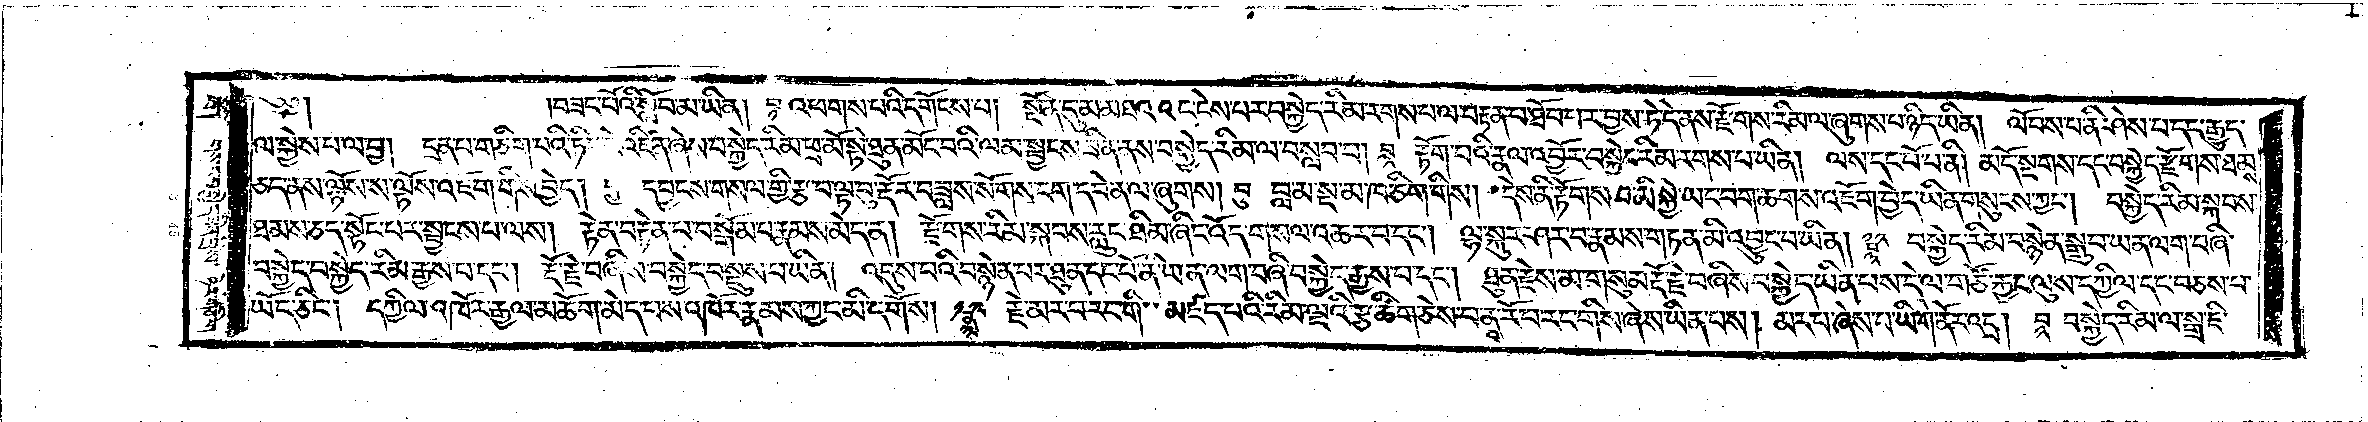༄༅། །བཟང་པོའི་སློབ་མ་ཡིན། བ༡་འཕགས་པའི་དགོངས་པ། སྔོན་དུ་མ་མཐའ་འང་ངེས་པར་བསྐྱེད་རིམ་རགས་པ་ལ་བརྟན་པ་ཐོབ་པར་བྱས་ཏེ་དེ་ནས་རྫོགས་རིམ་ལ་ཞུགས་པ་ཉིད་ཡིན། ལོབས་པ་ནི་ཤེས་པ་དང་རྒྱུད་
ལ་སྐྱེས་པ་ལ་བྱ། དྲན་པ་གཅིག་པའི་ཏིང་ངེ་འཛིན་ཞེས་བསྐྱེད་རིམ་ཕྲ་མོ་སྟེ་ཐུན་མོང་བའི་ལམ་སྦྱངས་ཟིན་ནས་བསྐྱེད་རིམ་ལ་བསླབ་པ། བ༣་རྟོག་པའི་རྣལ་འབྱོར་བསྐྱེད་རིམ་རགས་པ་ཡིན། ལས་དང་པོ་པ་ནི། མདོ་སྔགས་དང་བསྐྱེད་རྫོགས་ཐམས་
ཅད་ནས་ལྟོས་ས་ལྟོས་འཇོག་གིས་བྱེད། བ༤་དབྱངས་གསལ་གྱི་རྩ་བ་ལྟ་བུ་རྡོར་བཟླས་སོགས་ངག་དབེན་ལ་ཞུགས། བ༦་བླ་མ་སྔ་མ་ཁ་ཅིག་གིས། དེས་ནི་རྟོགས་པ་མི་སྐྱེ་ཡང་བག་ཆགས་འཇོག་བྱེད་ཡིན་གསུངས་ཀྱང་། བསྐྱེད་རིམ་སྐབས་
ཐམས་ཅད་སྟོང་པར་སྦྱངས་པ་ལས། རྟེན་བརྟེན་པ་བསྒོམ་པ་རྣམས་མེད་ན། རྫོགས་རིམ་སྐབས་རླུང་ཐིམ་ཞིང་འོད་གསལ་འཆར་བ་དང་། ལྷ་སྐུར་ཤར་བ་རྣམས་གཏན་མི་འབྱུང་བ་ཡིན། ༡༢བ༣་བསྐྱེད་རིམ་བསྙེན་སྒྲུབ་ཡན་ལག་བཞི་
བསྐྱེད་བསྐྱེད་རིམ་རྒྱས་པ་དང་། རྡོ་རྗེ་བཞིས་བསྐྱེད་བསྡུས་པ་ཡིན། འདུས་པའི་བསྙེན་པར་ཐུན་དང་པོ་ནི་ཡན་ལག་བཞི་བསྐྱེད་རྒྱས་པ་དང་། ཐུན་རྗེས་མ་གསུམ་རྡོ་རྗེ་བཞིས་བསྐྱེད་ཡིན་པས་དེ་ལ་གཙོ་རྐྱང་ལུས་དཀྱིལ་དང་བཅས་པ་
ཡོད་ཅིང་། དཀྱིལ་འཁོར་རྒྱལ་མཆོག་མེད་པས་འཁོར་རྣམས་ཀྱང་མི་དགོས། ༡༣ན༣་རྗེ་མར་བ་རང་གི་མཛད་པའི་རིམ་ལྔའི་རྩ་ཚིག་ཅེས་པ་ནཱ་རོབ་རང་གིས་ཞེས་ཡིན་པས། མར་པ་ཞེས་པ་ཡི་གེ་ནོར་འདྲ། བ༢་བསྐྱེད་རིམ་ལ་སྒྲ་ཇི་